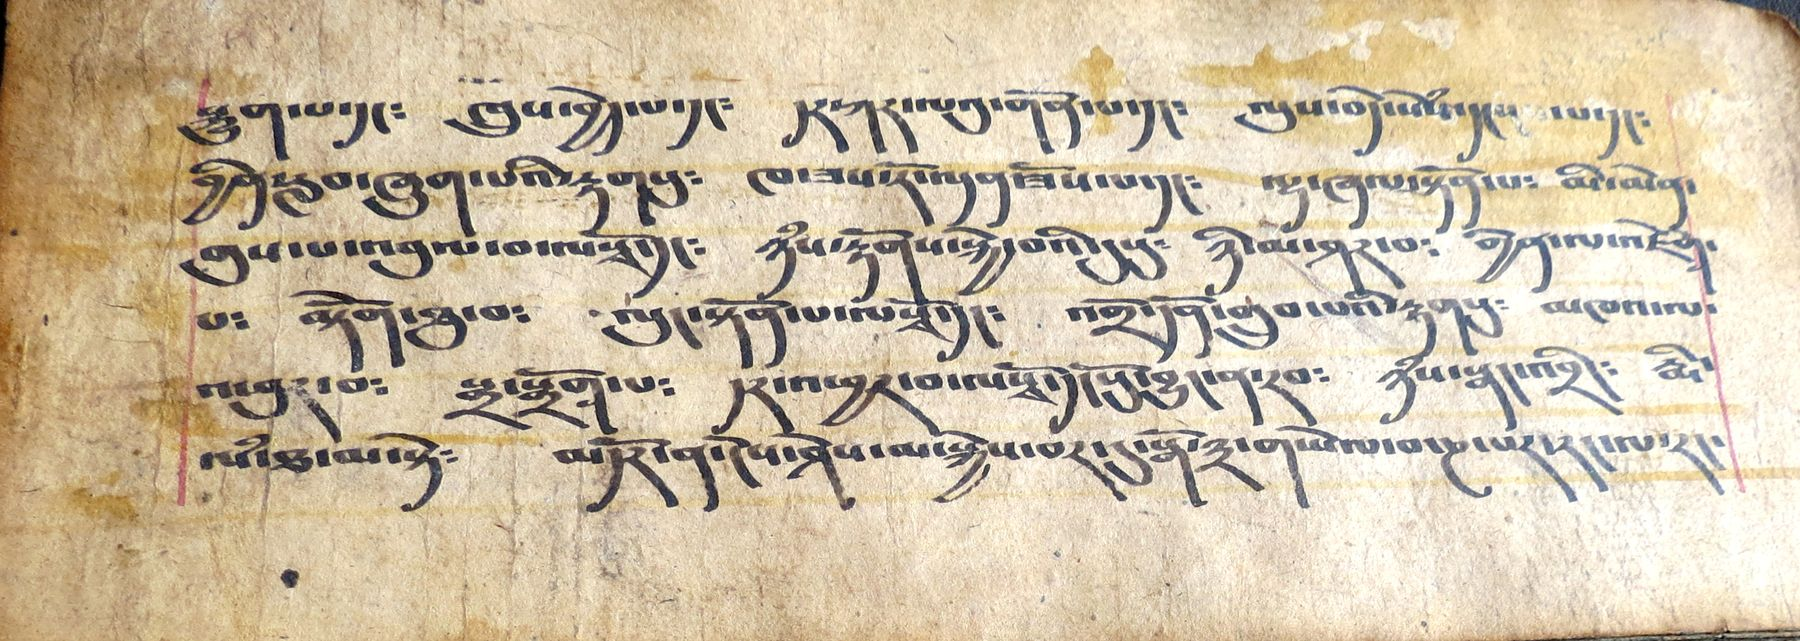སྐྱུགས་པ་དང་། ཁྲུས་བྱེད་པ། དྲི་མ་དག་པ་དང་། དར་དཀར་ལའུ་གྱོན་པ། ལུས་བདེ་སེམས་དྭངས་པ། 
བྱིན་རླབས་ཞུགས་པའི་རྟགས་སུ། ཁ་ཟས་རོ་ལྡན་ཟོས་པ། ལྷ་ཞལ་སྟོན་པ། མི་མེན་
གུས་པ་འབུལ་བ་ལ་སོགས་དང་། ཉམས་རྟོགས་སྐྱེས་པའི་རྟགས་སུ། ཉི་མ་ཤར་བ། གྱེན་ལ་འཛེགས་
པ། མེ་ཏོག་ཐུ་བ། ལུང་བསྟན་པ་ལ་སོགས་དང་། འགྲོ་དོན་གྲུབ་པའི་རྟགས་སུ། མཁའ་ལ་
འཕུར་བ། སྒྲ་སྒྲོགས་པ། དར་ཕྱར་བ་ལ་སོགས་དངོས་སུ་བྱུང་ན་རབ། ཉམས་སྣང་འབྲིང་། རྨི་
ལམ་ཐ་མ་སྟེ། ། མདོར་ན་ངེས་ཤེས་མ་སྐྱེས་བར་དུ་སྒོ་གསུམ་གཡེལ་བ་མེད་པར་རང་ལ་རང་